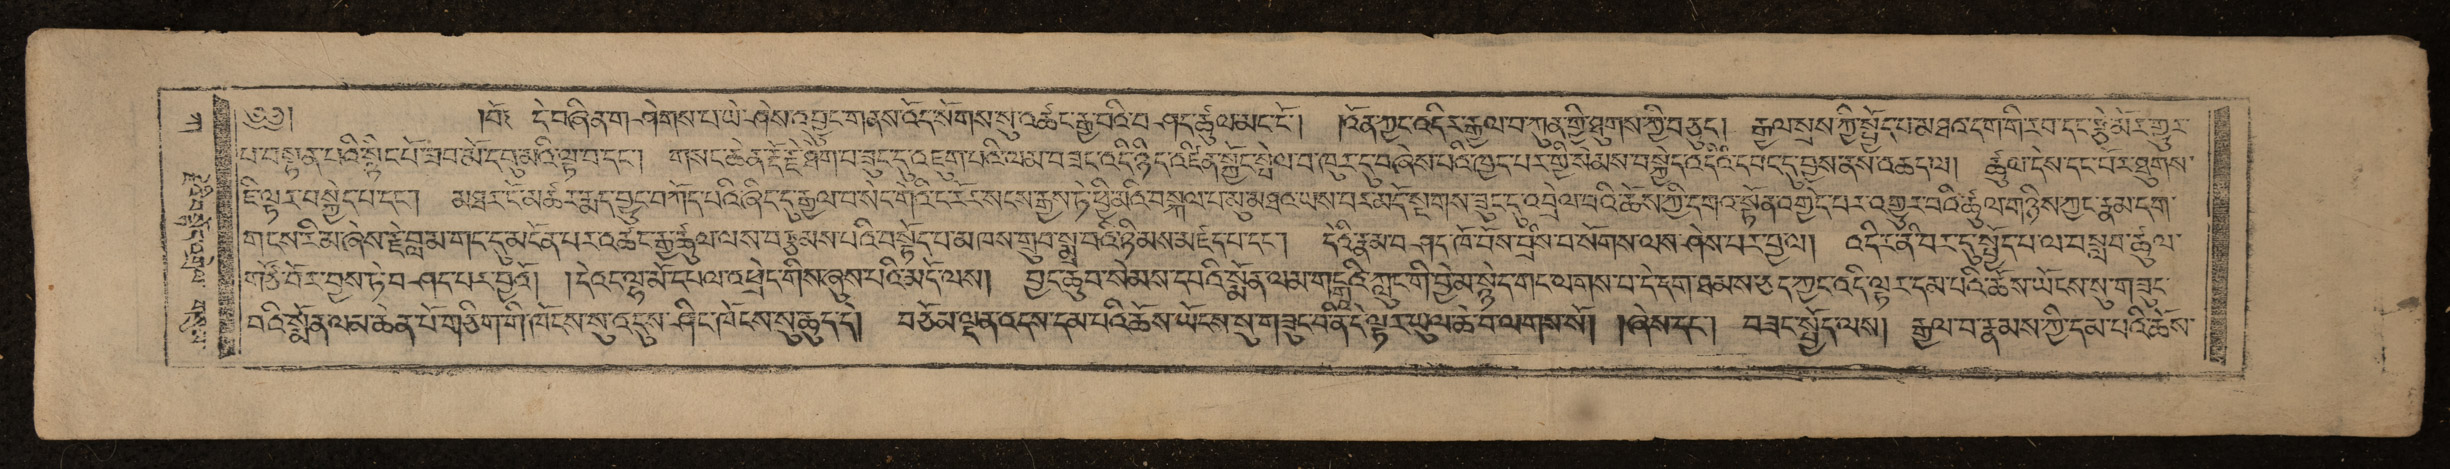༄༅། །བོ། དེ་བཞིན་གཤེགས་པ་ཡེ་ཤེས་འབྱུང་གནས་འོད་སོགས་སུ་འཚང་རྒྱ་བའི་བཤད་ཚུལ་མང་ངོ། །འོན་ཀྱང་འདིར་རྒྱལ་བ་ཀུན་གྱི་ཐུགས་ཀྱི་བཅུད། རྒྱལ་སྲས་ཀྱི་སྤྱོད་པ་མཐའ་དག་གི་རབ་དང་རྩེ་མོར་གྱུར་
བ་བསྟན་པའི་སྙིང་པོ་ཟབ་མོ་དབུ་མའི་ལྟ་བ་དང་། གསང་ཆེན་རྡོ་རྗེ་ཐེག་པ་ཟུང་དུ་འཇུག་པའི་ལམ་བཟང་འདི་ཉིད་འཛིན་སྐྱོང་སྤེལ་བ་ཁུར་དུ་བཞེས་པའི་ཁྱད་པར་གྱི་སེམས་བསྐྱེད་འདིའི་དབང་དུ་བྱས་ནས་འཆད་ལ། ཚུལ་དེས་དང་པོར་ཐུགས་
ཇི་ལྟར་བསྐྱེད་པ་དང་། མཐར་ངོ་མཚར་རྨད་བྱུང་བཀོད་པའི་ཞིང་དུ་རྒྱལ་བ་སེང་གེའི་ང་རོར་སངས་རྒྱས་ཏེ་ཕྱི་མའི་བསྐལ་བ་མུ་མཐའ་ཡས་པར་མདོ་སྔགས་ཟུང་དུ་འབྲེལ་བའི་ཆོས་ཀྱི་དགའ་སྟོན་འགྱེད་པར་འགྱུར་བའི་ཚུལ་གཉིས་ཀྱང་རྣམ་དག་
གངས་རིམ་ཞེས་རྗེ་བླ་མ་གང་དུ་མངོན་པར་འཚང་རྒྱ་ཚུལ་ལས་བརྩམས་པའི་བསྟོད་པ་མཁས་གྲུབ་སྨྲ་བའི་ཉི་མས་མཛད་པ་དང་། དེའི་རྣམ་བཤད་ཁོ་བོས་བྲིས་བ་སོགས་ལས་ཤེས་པར་བྱ་ལ། འདིར་ནི་བར་དུ་སྤྱོད་པ་ལ་བསླབ་ཚུལ་
གཙོ་བོར་བྱས་ཏེ་བཤད་པར་བྱའོ། །དེའང་ལྷ་མོ་དཔལ་འཕྲེང་གིས་ཞུས་པའི་མདོ་ལས། བྱང་ཆུབ་སེམས་དཔའི་སྨོན་ལམ་གངྒའི་ཀླུང་གི་བྱེ་མ་སྙེད་གང་ལགས་པ་དེ་དག་ཐམས་ཅད་ཀྱང་འདི་ལྟར་དམ་པའི་ཆོས་ཡོངས་སུ་གཟུང་
བའི་སྨོན་ལམ་ཆེན་པོ་གཅིག་གི་ཡོངས་སུ་འདུས་ཤིང་ཁོངས་སུ་ཆུད་དེ། བཅོམ་ལྡན་འདས་དམ་པའི་ཆོས་ཡོངས་སུ་གཟུང་བ་ནི་དེ་ལྟར་ཡུལ་ཆེ་བ་ལགས་སོ། །ཞེས་དང་། བཟང་སྤྱོད་ལས། རྒྱལ་བ་རྣམས་ཀྱི་དམ་པའི་ཆོས་